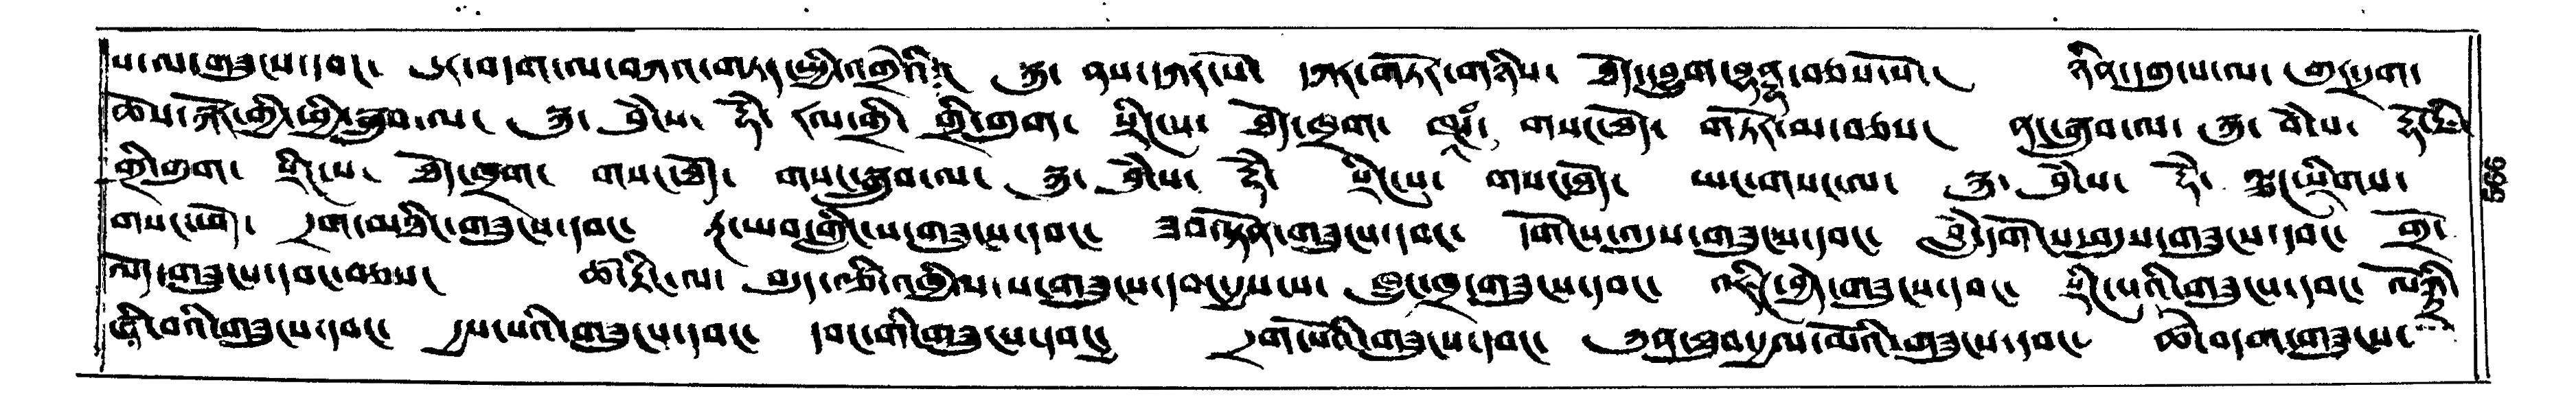པ་ལ་གཟུངས་དབང་། དུར་བདག་ལ་བཀའ་གཏད་སྤྱི་འགྲོ། སྐུ། ནས་དཀར་པོ། དཀར་གཏོར་གཉིས། ཐོད་དབྱུག་བྷནྡྷ་བཅས་སོ།། ཉིན་དགུ་པ་ལ། གུར་དྲག་
ཆོས་སྐོར་གྱི་ཕྱི་སྒྲུབ་ལ། སྐུ། བུམ་པ། རྡོ་རྗེ་རལ་གྲི ཁྲི་གུག སྡིག་པ། ཐོད་ཁྲག ཁཊྭ། གསང་ཐོད། གཏོར་མ་བཅས། ནང་སྒྲུབ་ལ། སྐུ། བུམ་པ། རྡོ་རྗེ། 
གྲི་ཁུག སྡིག་པ། ཐོད་ཁྲག གསང་ཐོད། གསང་སྒྲུབ་ལ། སྐུ། བུམ་པ། རྡོ་རྗེ། སྡིག་པ། གསང་ཐོད། ཡང་གསང་ལ། སྐུ། བུམ་པ། རྡོ་རྗེ། ལྕགས་སྡིག་
གསང་ཕོད། དྲག་མཐིང་གཟུངས་དབང་། རྔ་ཡབ་གླིང་པའི་གཟུངས་དབང་། ཟབ་སྟོན་གཟུངས་དབང་། དགོངས་འདུས་གཟུངས་དབང་། བླ་མ་དགོངས་འདུས་གཟུངས་དབང་། གྲོ་
ལོད་གཟུངས་དབང་བཅས། ཚ་རྟིང་ལ། བདུད་རྩི་འཁྱིལ་པའི་གཟུངས་དབང་རྒྱས་པ། ཁྱུང་ཁྲའི་གཟུངས་དབང་། འཇིགས་བྱེད་གཟུངས་དབང་། སྡིག་པའི་གཟུངས་དབང། ལོཀྟྲི་
ཞི་བའི་གཟུངས་དབང་། རྒྱས་པའི་གཟུངས་དབང་། དབང་གི་གཟུངས་དབང་། དྲག་པོའི་གཟུངས་དབང་། ཀུན་ཐུབ་རྒྱལ་མོའི་གཟུངས་དབང་། ཚེ་བདག་གཟུངས་